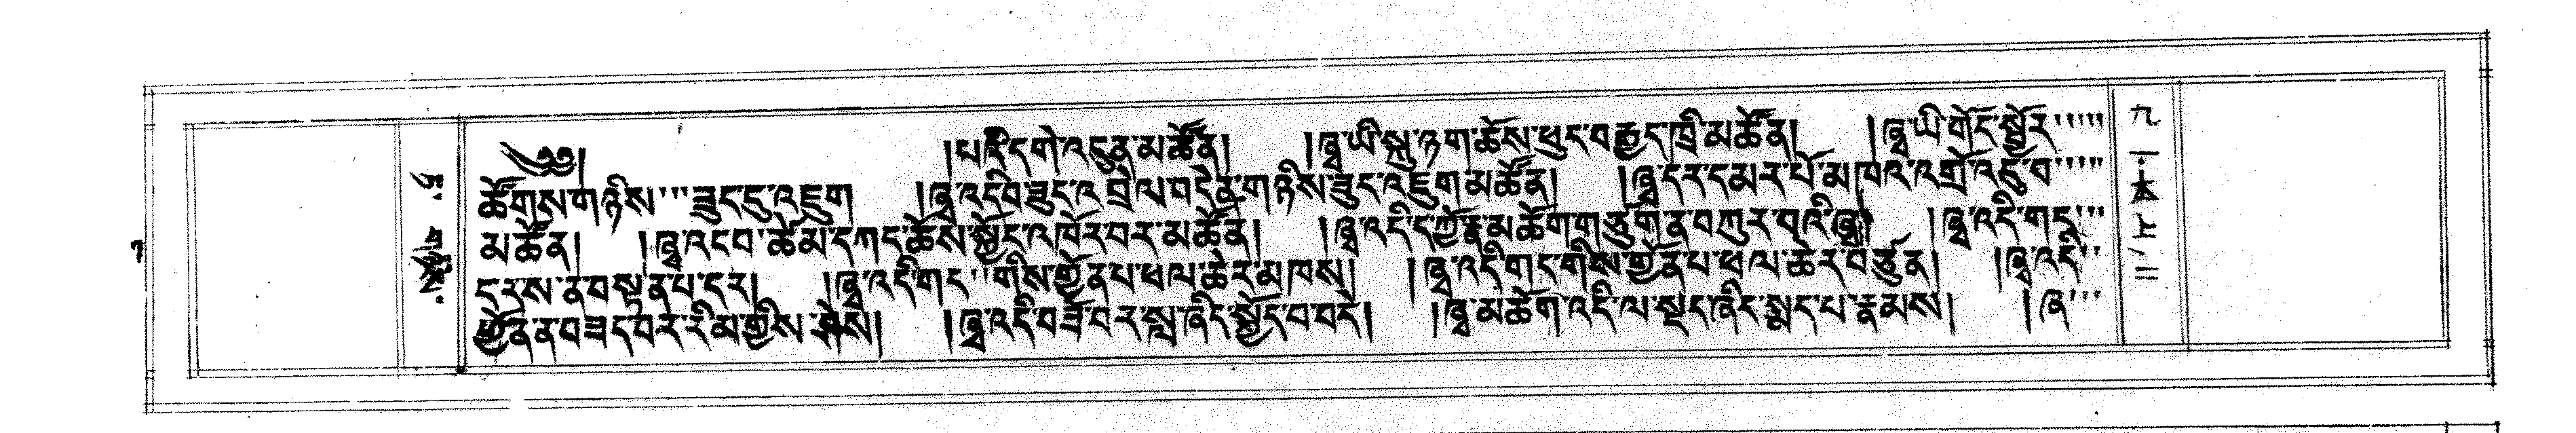༄༅། །པའི་དགེ་འདུན་མཚོན། །ཞྭ་ཡི་སྐུ་ཉག་ཆོས་ཕུང་བརྒྱད་ཁྲི་མཚོན། །ཞྭ་ཡི་གོང་སྦྱོར་
ཚོགས་གཉིས་ཟུང་དུ་འཇུག །ཞྭ་འདིབ་ཟུང་འབྲེལ་བདེན་གཉིས་ཟུང་འཇུག་མཚོན། །ཞྭ་དར་དམར་པོ་མཁའ་འགྲོ་འདུ་བ་
མཚོན། །ཞྭ་འདབ་ཚེམ་དཀད་ཆོས་སྐྱོང་འཁོར་བར་མཚོན། །ཞྭ་འདི་ད་ཀྱོ་རྣ་མཆོག་གཙུག་ན་བཀུར་བའི་ཞྭ། །ཞྭ་འདི་གང་
དར་ས་ན་བསྟན་པ་དར། །ཞྭ་འདི་གང་གིས་གྱོན་པ་ཕལ་ཆེར་མཁས། །ཞྭ་འདི་གང་གིས་གྱོན་པ་ཕལ་ཆེར་བཙུན། །ཞྭ་འདི་
གྱོན་ན་བཟང་བར་རིམ་གྱིས་ཤེས། །ཞྭ་འདི་བཟོ་བར་སླ་ཞིང་སྐྱོང་བ་བདེ། །ཞྭ་མཆོག་འདི་ལ་སྡང་ཞིང་སྨད་པ་རྣམས། །ཞ་